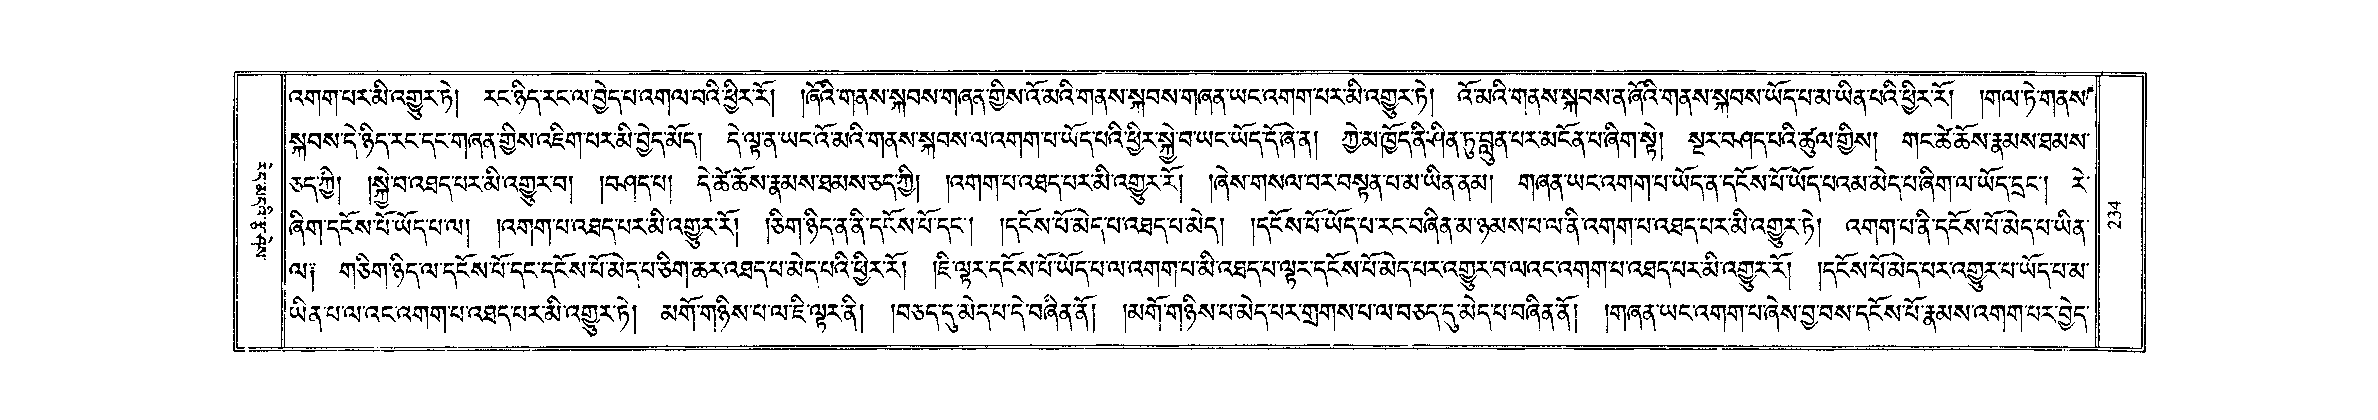འགག་པར་མི་འགྱུར་ཏེ། རང་ཉིད་རང་ལ་བྱེད་པ་འགལ་བའི་ཕྱིར་རོ། །ཞོའི་གནས་སྐབས་གཞན་གྱིས་འོ་མའི་གནས་སྐབས་གཞན་ཡང་འགག་པར་མི་འགྱུར་ཏེ། འོ་མའི་གནས་སྐབས་ན་ཞོའི་གནས་སྐབས་ཡོད་པ་མ་ཡིན་པའི་ཕྱིར་རོ། །གལ་ཏེ་གནས་
སྐབས་དེ་ཉིད་རང་དང་གཞན་གྱིས་འཇིག་པར་མི་བྱེད་མོད། དེ་ལྟ་ན་ཡང་འོ་མའི་གནས་སྐབས་ལ་འགག་པ་ཡོད་པའི་ཕྱིར་སྐྱེ་བ་ཡང་ཡོད་དོ་ཞེ་ན། ཀྱེ་མ་ཁྱོད་ནི་ཤིན་ཏུ་བླུན་པར་མངོན་པ་ཞིག་སྟེ། སྔར་བཤད་པའི་ཚུལ་གྱིས། གང་ཚེ་ཆོས་རྣམས་ཐམས་
ཅད་ཀྱི། །སྐྱེ་བ་འཐད་པར་མི་འགྱུར་བ། །བཤད་པ། དེ་ཚེ་ཆོས་རྣམས་ཐམས་ཅད་ཀྱི། །འགག་པ་འཐད་པར་མི་འགྱུར་རོ། །ཞེས་གསལ་བར་བསྟན་པ་མ་ཡིན་ནམ། གཞན་ཡང་འགག་པ་ཡོད་ན་དངོས་པོ་ཡོད་པའམ་མེད་པ་ཞིག་ལ་ཡོད་དྲང་། རེ་
ཞིག་དངོས་པོ་ཡོད་པ་ལ། །འགག་པ་འཐད་པར་མི་འགྱུར་རོ། །ཅིག་ཉིད་ན་ནི་དངོས་པོ་དང་། །དངོས་པོ་མེད་པ་འཐད་པ་མེད། །དངོས་པོ་ཡོད་པ་རང་བཞིན་མ་ཉམས་པ་ལ་ནི་འགག་པ་འཐད་པར་མི་འགྱུར་ཏེ། འགག་པ་ནི་དངོས་པོ་མེད་པ་ཡིན་
ལ༑ གཅིག་ཉིད་ལ་དངོས་པོ་དང་དངོས་པོ་མེད་པ་ཅིག་ཆར་འཐད་པ་མེད་པའི་ཕྱིར་རོ། །ཇི་ལྟར་དངོས་པོ་ཡོད་པ་ལ་འགག་པ་མི་འཐད་པ་ལྟར་དངོས་པོ་མེད་པར་འགྱུར་བ་ལའང་འགག་པ་འཐད་པར་མི་འགྱུར་རོ། །དངོས་པོ་མེད་པར་འགྱུར་པ་ཡོད་པ་མ་
ཡིན་པ་ལ་འང་འགག་པ་འཐད་པར་མི་འགྱུར་ཏེ། མགོ་གཉིས་པ་ལ་ཇི་ལྟར་ནི། །བཅད་དུ་མེད་པ་དེ་བཞིན་ནོ། །མགོ་གཉིས་པ་མེད་པར་གྲགས་པ་ལ་བཅད་དུ་མེད་པ་བཞིན་ནོ། །གཞན་ཡང་འགག་པ་ཞེས་བྱ་བས་དངོས་པོ་རྣམས་འགག་པར་བྱེད་